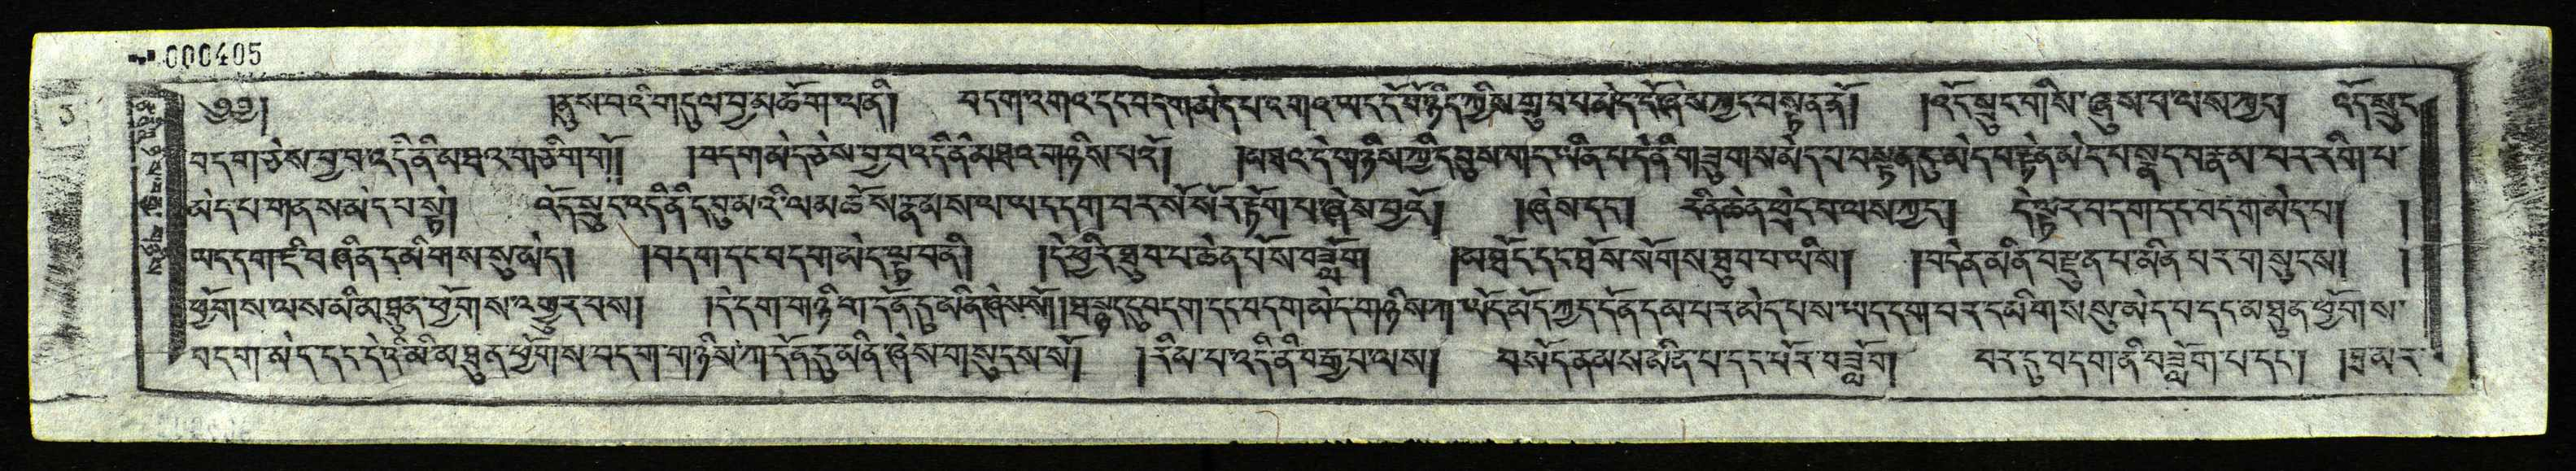༄༅། །ནུས་པའི་གདུལ་བྱ་མཆོག་ལ་ནི། བདག་འགའ་དང་བདག་མེད་པ་འགའ་ཡང་ངོ་བོ་ཉིད་ཀྱིས་གྲུབ་པ་མེད་དོ་ཞེས་ཀྱང་བསྟན་ནོ། །འོད་སྲུང་གིས་ཞུས་པ་ལས་ཀྱང་། འོད་སྲུང་
བདག་ཅེས་བྱ་བ་འདི་ནི་མཐའ་གཅིག་གོ། །བདག་མེད་ཅེས་བྱ་བ་འདི་ནི་མཐའ་གཉིས་པའོ། །མཐའ་དེ་གཉིས་ཀྱི་དབུས་གང་ཡིན་པ་དེ་ནི་གཟུགས་མེད་པ་བསྟན་དུ་མེད་པ་བརྟེན་མེད་པ་སྣང་བ་རྣམ་པར་རིག་པ་
མེད་པ་གནས་མེད་པ་སྟེ། འོད་སྲུང་འདི་ནི་དབུ་མའི་ལམ་ཆོས་རྣམས་ལ་ཡང་དག་པར་སོ་སོར་རྟོག་པ་ཞེས་བྱའོ། །ཞེས་དང་། རིན་ཆེན་ཕྲེང་བ་ལས་ཀྱང་། དེ་ལྟར་བདག་དང་བདག་མེད་པ། །
ཡང་དག་ཇི་བཞིན་དམིགས་སུ་མེད། །བདག་དང་བདག་མེད་ལྟ་བ་ནི། །དེ་ཕྱིར་ཐུབ་པ་ཆེན་པོས་བཟློག །མཐོང་དང་ཐོས་སོགས་ཐུབ་པ་ཡིས། །བདེན་མིན་བརྫུན་པ་མིན་པར་གསུངས། །
ཕྱོགས་ལས་མི་མཐུན་ཕྱོགས་འགྱུར་བས། །དེ་དག་གཉིག་དོན་དུ་མིན་ཞེས་སོ། །ཐ་སྙད་དུ་བདག་དང་བདག་མེད་གཉིས་ཀ་ཡོད་མོད་ཀྱང་དོན་དམ་པར་མེད་པས་ཡང་དག་པར་དམིགས་སུ་མེད་པ་དང་མཐུན་ཕྱོགས་
བདག་མེད་དང་དེའི་མི་མཐུན་ཕྱོགས་བདག་གཉིས་ཀ་དོན་དུ་མིན་ཞེས་གསུངས་སོ། །རིམ་པ་འདི་ནི་བརྒྱ་བ་ལས། བསོད་ནམས་མིན་པ་དང་པོར་བཟློག་བར་དུ་བདག་ནི་བཟློག་པ་དང་། །ཐ་མར་